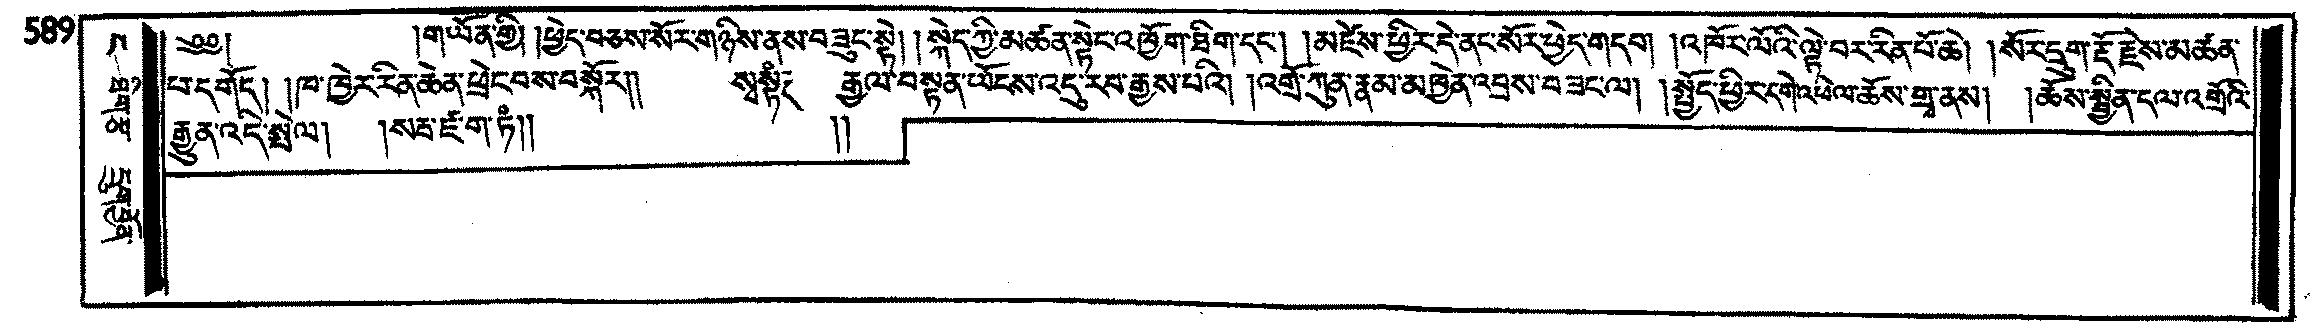༄༅། །གཡོན་གྱི། །ཕྱེད་བཅས་སོར་གཉིས་ནས་བཟུང་སྟེ། །སྐེད་ཀྱི་མཚན་སྟེང་འཁྱོག་ཐིག་དང་། །མཛེས་ཕྱིར་དེ་ནང་སོར་ཕྱེད་གདབ། །འཁོར་ལོའི་ལྟེ་བར་རིན་པོ་ཆེ། །སོར་དྲུག་རྡོ་རྗེས་མཚན་
པ་དགོད། །ཁ་ཁྱེར་རིན་ཆེན་ཕྲེང་བས་བསྐོར།། སྭསྟཾ༑ རྒྱལ་བསྟན་ཡོངས་འདུ་རབ་རྒྱས་པའི། །འགྲོ་ཀུན་རྣམ་མཁྱེན་འབྲས་བཟང་ལ། །སྤྱོད་ཕྱིར་དགེ་འཕེལ་ཆོས་གྲྭ་ནས། །ཆོས་སྦྱིན་དལ་འགྲོའི་
རྒྱུན་འདི་སྤེལ། །སརྦ་ཛ་ག་ཏཾ།། །